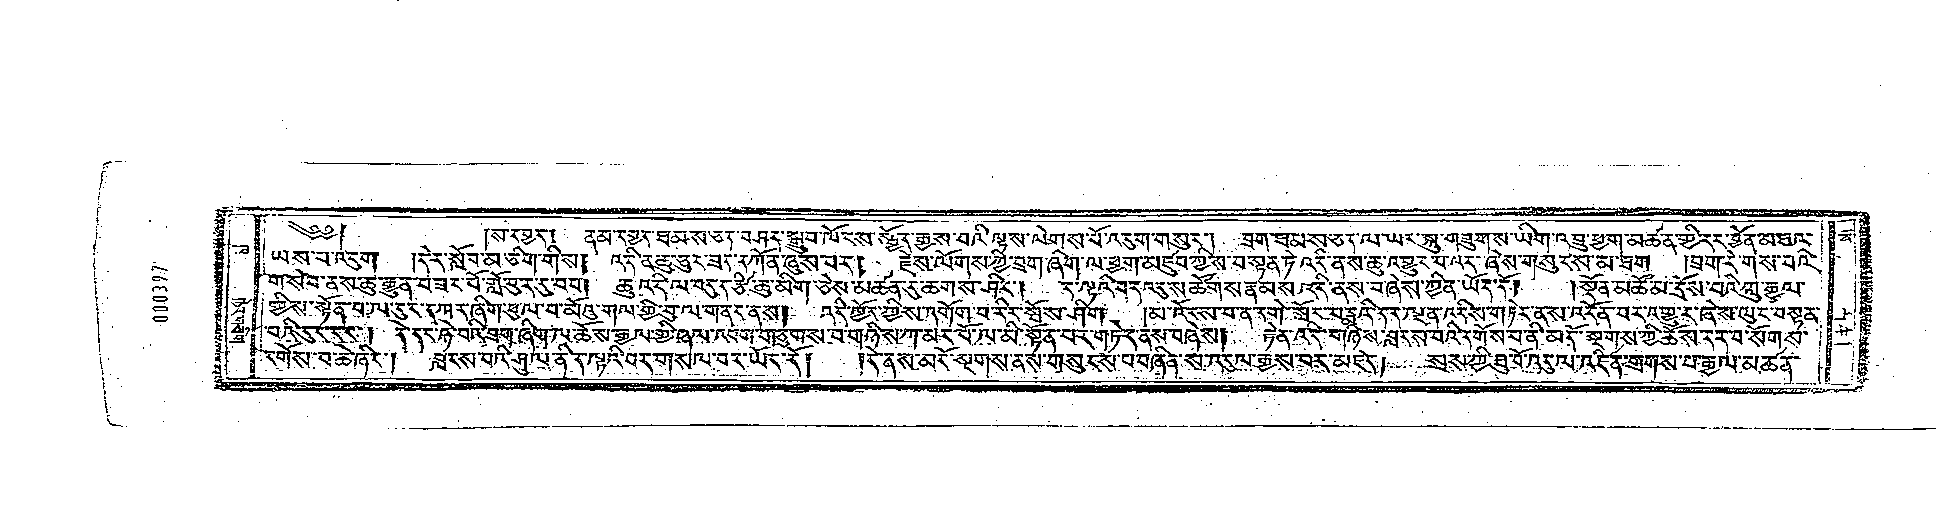༄༅། །ས་དབྱད། ནམ་དཔྱད་ཐམས་ཅད་བཤད་སྒྲུབ་ལོངས་སྤྱོད་རྒྱས་བའི་ལྟས་ལེགས་པོ་འདུག་གསུང་། བྲག་ཐམས་ཅད་ལ་ཡང་སྐུ་གཟུགས་ཡིག་འབྲུ་ཕྱག་མཚན་གྱི་རང་བྱོན་མཐའ་
ཡས་པ་འདུག །དེར་སློབ་མ་ཅིག་གིས། འདིན་ཆུ་ཅུང་ཟད་དཀོན་ཞུས་པར། རྗེས་ལོགས་ཀྱི་བྲག་ཞིག་ལ་ཕྱག་མཛུབ་ཀྱིས་བསྟན་ཏེ་འདི་ནས་ཆུ་འབྱུང་པ་འདད་ཞེས་གསུངས་མ་ཐག །བྲག་རེ་གས་བའི་
གསེབ་ནས་ཆུ་རྒྱུན་བཟང་པོ་གློ་བུར་དུ་བབ། ཆུ་འདི་ལ་བདུད་རྩི་ཆུ་མིག་ཅེས་མཚན་དུ་ཆགས་ཤིང་། ད་ལྟའི་བར་འདུས་ཚོགས་རྣམས་འདི་ནས་བཞེས་ཀྱིན་ཡོད་དོ། །སྡོན་མཚོ་མ་དྲོས་པའི་ཀླུ་རྒྱལ་
གྱིས་སྟོན་བ་ལ་དུང་དཀར་ཞིག་ཕུལ་བ་མོའུ་གལ་གྱི་བུ་ལ་གནང་ནས། འདི་ཁྱོད་ཀྱིས་འགོག་བ་རིར་སྦོས་ཤིག །མ་འོངས་བ་ན་དགེ་སློང་པདམའི་དད་ལྡན་འདིས་གཏེར་ནས་འདོན་བར་འགྱུར་ཞེས་ལུང་བསྟན་
བའི་དུང་དང་། དེ་དང་ཉེ་བའི་བྲག་ཞིག་ལ་ཆོས་རྒྱལ་གྱི་ཞལ་འབག་གཅུགས་བ་གཉིས་ཀ་མང་པོ་ལ་མི་སྟོན་པར་གཏེར་ནས་བཞེས། རྟེན་འདི་གཉིས་བླངས་བའི་དགོས་པ་ནི་མདོ་སྔགས་ཀྱི་ཆོས་དར་བ་སོགས་
དགོས་བ་ཆེ་ཞིང་། བླངས་བའི་ཤུལ་ནི་ད་ལྟའི་བར་གསལ་བར་ཡོད་དོ། །དེ་ནས་མདོ་སྔགས་ནས་གསུངས་པ་བཞིན་ས་འདུལ་རྒྱས་པར་མཛད། སྲས་ཀྱི་ཐུ་བོ་འདུལ་འཛིན་གྲགས་པ་རྒྱལ་མཚན་